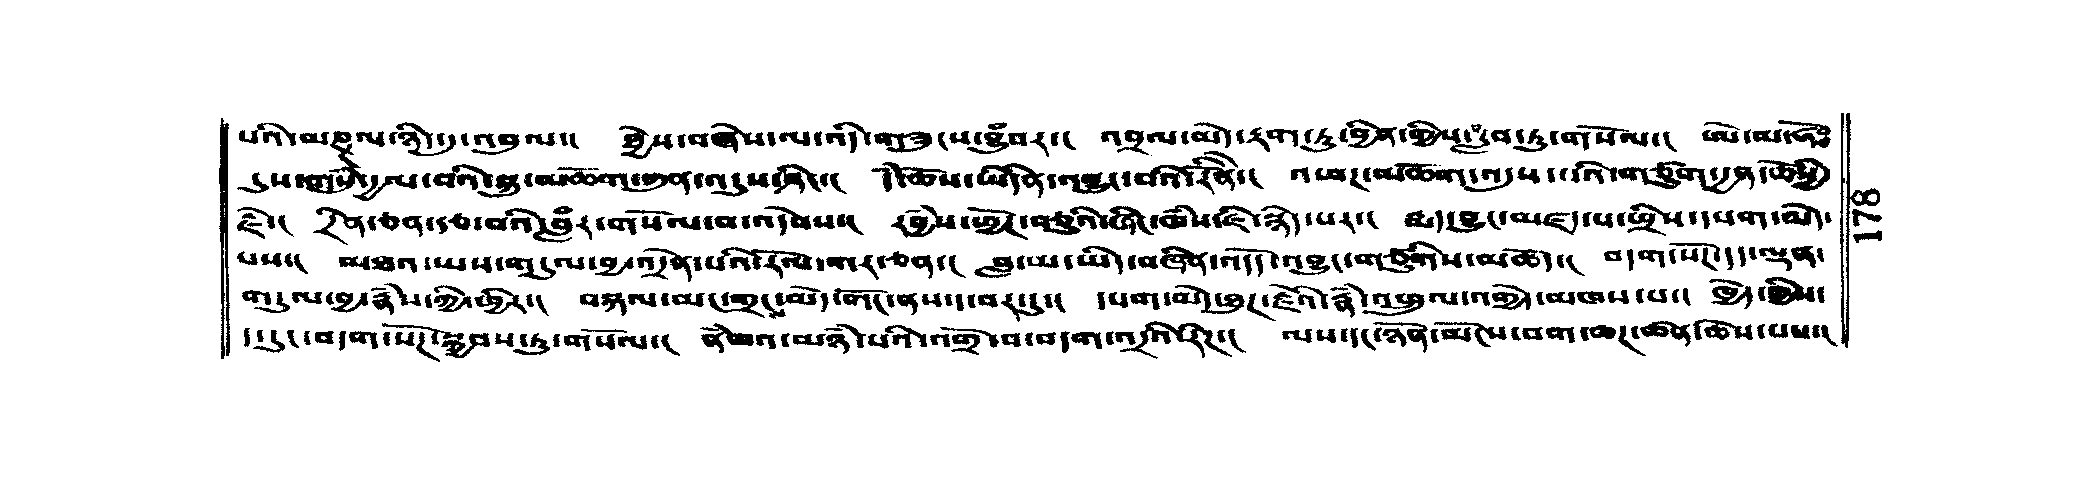པའི་མཎྜལ་ཉིད་དུ་འབུལ། །ཐུགས་རྗེ་བཞེས་ལ་འདི་བཟུང་བྱང་ཆུབ་བར། །འབྲལ་མེད་རྟག་ཏུ་བྱིན་གྱིས་བརླབ་ཏུ་གསོལ། ཨེ་མ་ཧོཿ 
དུས་གསུམ་རྒྱལ་བའི་སྐུ་མཆོག་ཀུན་འདུས་ཤིང་། །དམ་ཆོས་ཡིད་བཞིན་འབྱུང་བའི་རིན་པོ་ཆེ། །འཕགས་མཆོག་འདུས་པའི་གཙུག་རྒྱན་ཆོས་ཀྱི་
རྗེ། །དྲིན་ཅན་རྩ་བའི་བླ་མར་གསོལ་བ་འདེབས། །རབ་འབྱམས་ཕྱོགས་བཅུའི་ཞིང་ཁམས་ཇི་སྙེད་པར། །རྨད་བྱུང་མཛད་པ་ཕྲིན་ལས་དཔག་མེད་
པས། །མཐའ་ཡས་གདུལ་བྱ་འདྲེན་པའི་རོལ་གར་ཅན། །བླ་མ་ཡིད་བཞིན་འདོད་འབྱུང་གཙུག་གིས་མཆོད། །བདག་སོགས་དད་ལྡན་
གདུལ་བྱ་རྣམས་ཀྱི་ཕྱིར། །བསྐལ་མང་གྲངས་མེད་གོང་ནས་ད་བར་དུ། །དཔག་མེད་ཐུགས་རྗེའི་རྣམ་འཕྲུལ་འགྱེད་མཁས་པ། །ཁྱེད་ཀྱིས་
ད་དུང་བདག་སོགས་སྐྱབས་ཏུ་གསོལ། །ནམ་མཁའ་མཉམ་པའི་འགྲོ་བ་བདག་འདྲའི་རིགས། །ལས་དང་ཉོན་མོངས་བག་ཆགས་ཚན་ཆས་པས།